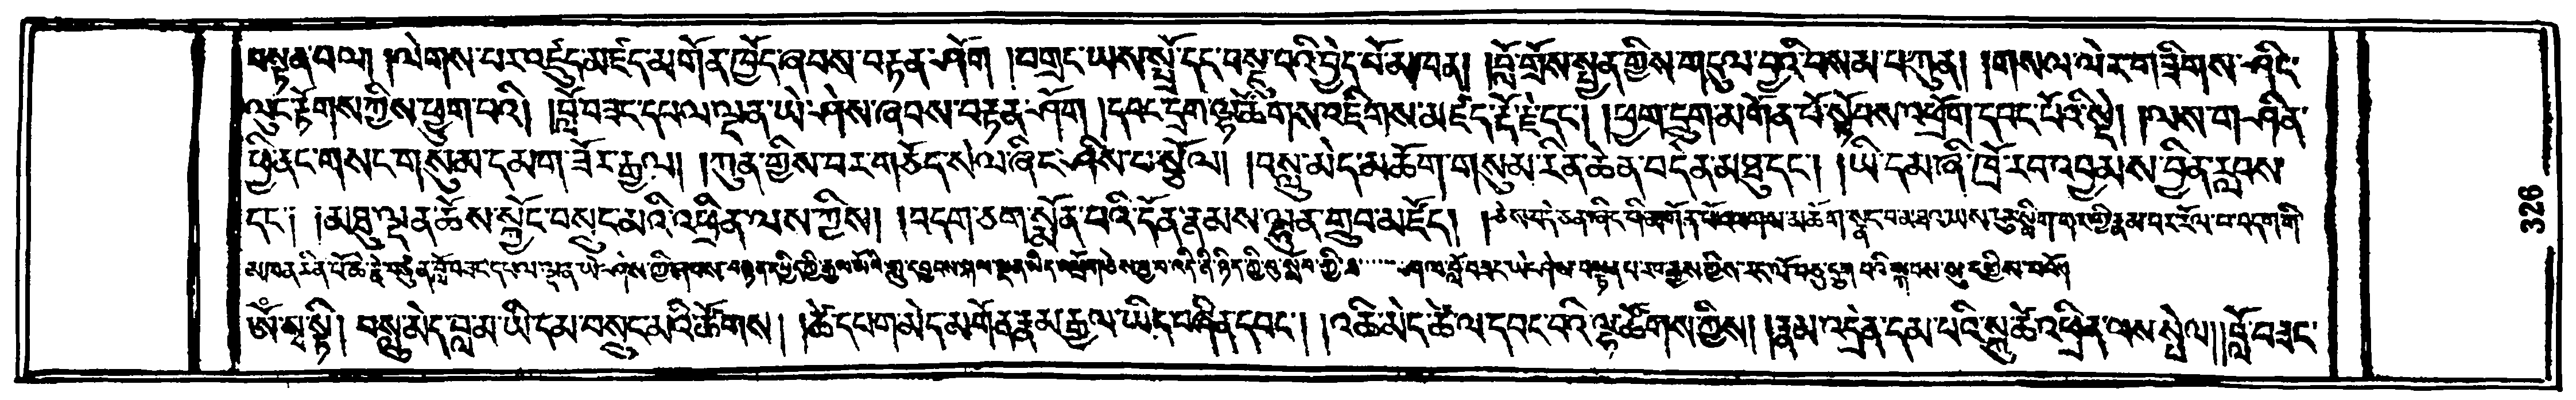བསྟན་པ་ལ། །ལེགས་པར་འཛུད་མཛད་མགོན་ཁྱོད་ཞབས་བརྟན་ཤོག །བགྲང་ཡས་སྤྲོ་དང་བསྡུ་བའི་བྱེད་པོ་མཁན། །བློ་གྲོས་སྤྱན་གྱིས་གདུལ་བྱའི་བསམ་པ་ཀུན། །གསལ་ལེར་གཟིགས་ཤིང་
ལུང་རྟོགས་ཀྱིས་ཕྱུག་པའི། །བློ་བཟང་དཔལ་ལྡན་ཡེ་ཤེས་ཞབས་བརྟན་ཤོག །དབང་དྲག་ལྷ་ཚོགས་འཇིགས་མཛད་རྡོ་རྗེ་དང་། །ཕྱག་དྲུག་མགོན་པོ་སྟོབས་འཕྲོག་དབང་པོའི་སྡེ། །ལས་གཤིན་
ཕྱི་ནང་གསང་གསུམ་དམག་ཟོར་རྒྱལ། །ཀུན་གྱིས་བར་གཅོད་སེལ་ཞིང་ཤིས་པ་སྩོལ། །བསླུ་མེད་མཆོག་གསུམ་རིན་ཆེན་བདེན་མཐུ་དང་། །ཡི་དམ་ཞི་ཁྲོ་རབ་འབྱམས་བྱིན་རླབས་
དང་། །མཐུ་ལྡན་ཆོས་སྐྱོང་བསྲུང་མའི་འཕྲིན་ལས་ཀྱིས། །བདག་ཅག་སྨོན་པའི་དོན་རྣམས་ལྷུན་གྲུབ་མཛོད། །ཅེས་བདེ་ཅན་ཞིང་གི་མགོན་པོ་འཕགས་མཆོག་སྣང་བ་མཐའ་ཡས་ངུར་སྨིག་གར་གྱི་རྣམ་པར་རོལ་བ་བདག་གི་
མཁན་རིན་པོ་ཆེ་རྗེ་བཙུན་བློ་བཟང་དཔལ་ལྡན་ཡེ་ཤེས་ཀྱི་ཞབས་བསྟན་དཔྱིད་ཀྱི་རྒྱལ་མོའི་གླུ་དབྱངས་སྐལ་ལྡན་ཡིད་འཕྲོག་ཅེས་བྱ་བ་འདི་ནི་ཉིད་ཀྱི་བུ་སློབ་ཀྱི་ཐ་ཤལ་བློ་བཟང་ཡེ་ཤེས་བསྟན་པ་རབ་རྒྱས་ཀྱིས་རང་ལོ་བཅུ་དྲུག་པའི་སྐབས་སུ་དགྱིས་བའོ།
ཨོཾ་སྭ་སྟི། བསླུ་མེད་བླ་མ་ཡི་དམ་བསྲུང་མའི་ཚོགས། །ཚེ་དཔག་མེད་མགོན་རྣམ་རྒྱལ་ཡིད་བཞིན་དབང་། །འཆི་མེད་ཚེ་ལ་དབང་བའི་ལྷ་ཚོགས་ཀྱིས། །རྣམ་འདྲེན་དམ་པའི་སྐུ་ཚེ་འཕྲིན་ལས་སྤེལ། །བློ་བཟང་